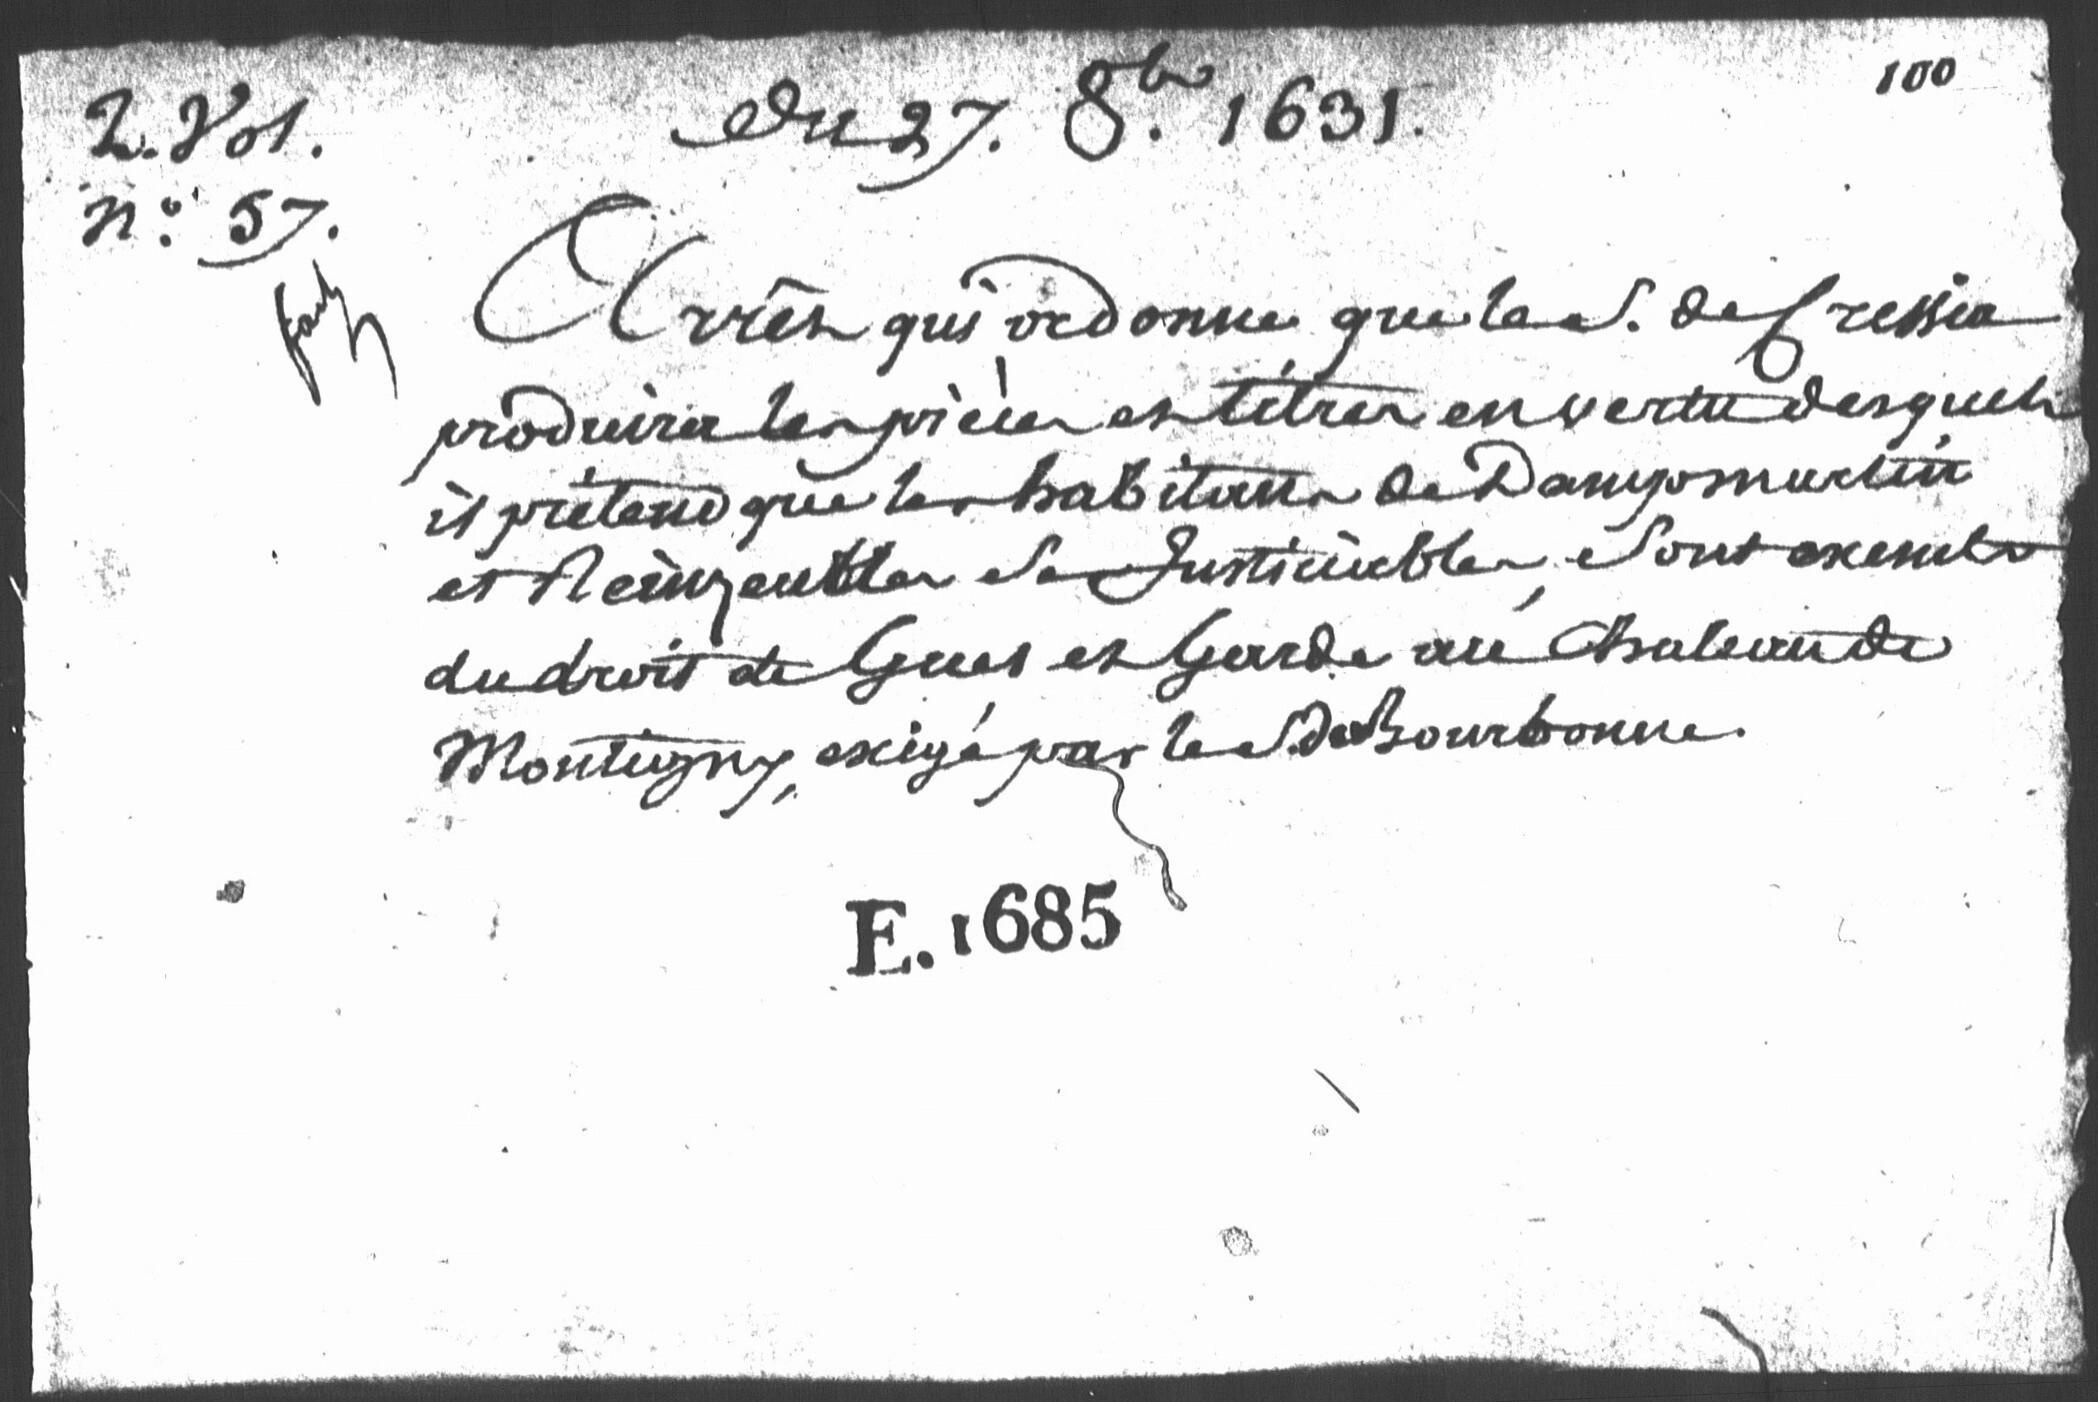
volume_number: n°57
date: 27 octobre 1631
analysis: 100
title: Arrêt qui ordonne que le S. de Cressia produira les pièces et titres en vertu desquels il prétend que les habitans de Dampmartin et [nom illisible] ses justiciables, sont exemts du droit de guet et garde au chateau de Montigny, exigé par le S. de Bourbonne.
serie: E
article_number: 1685
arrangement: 2. vol
